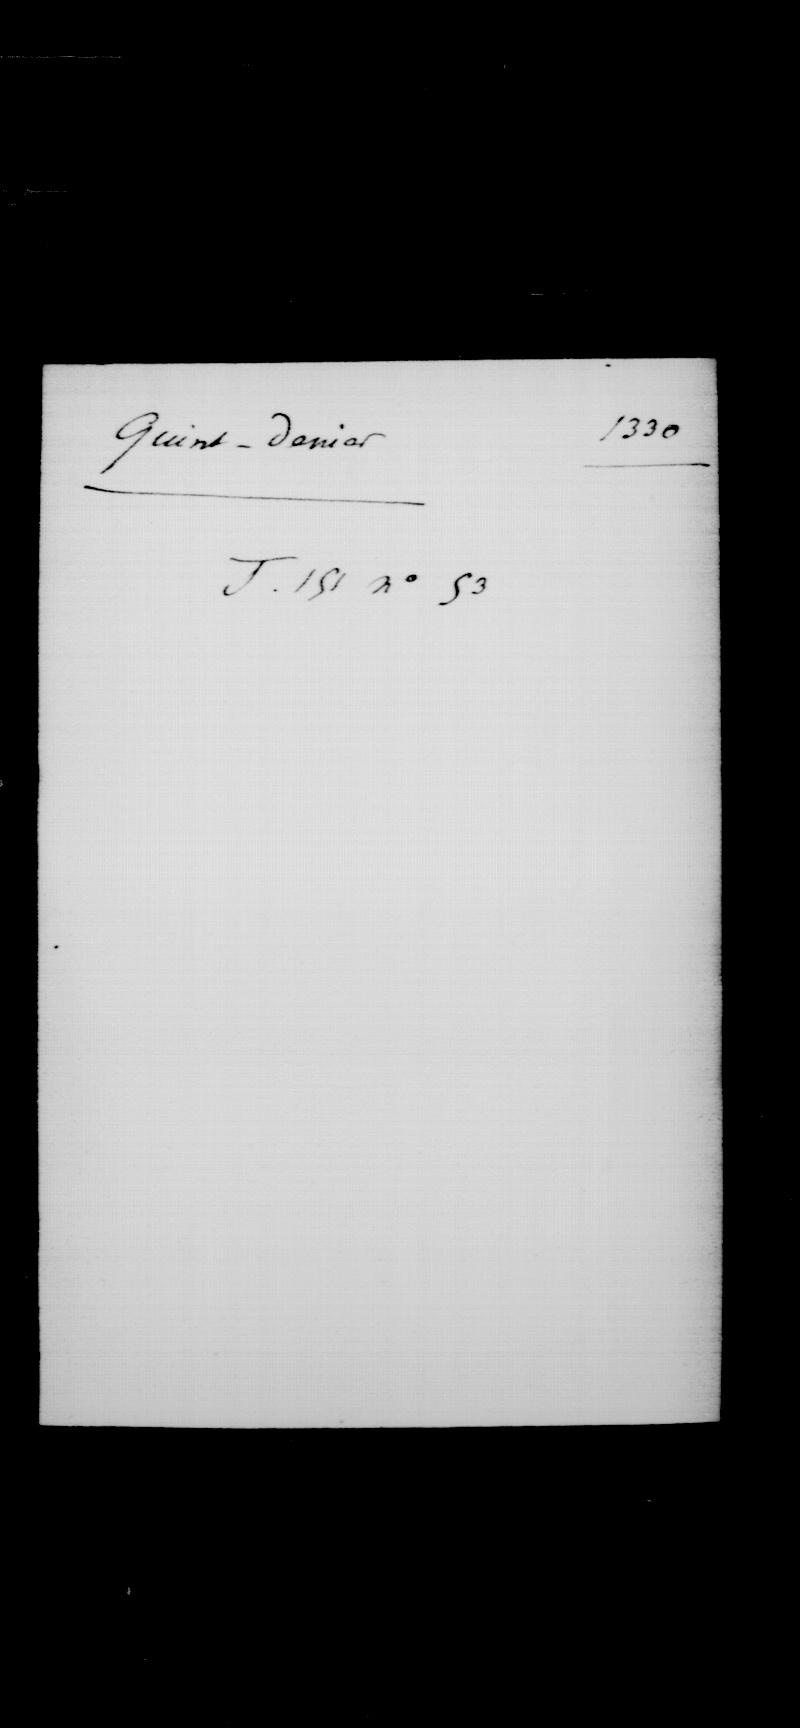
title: Quint-Denier
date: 1330
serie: J
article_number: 151
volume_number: n° 53
